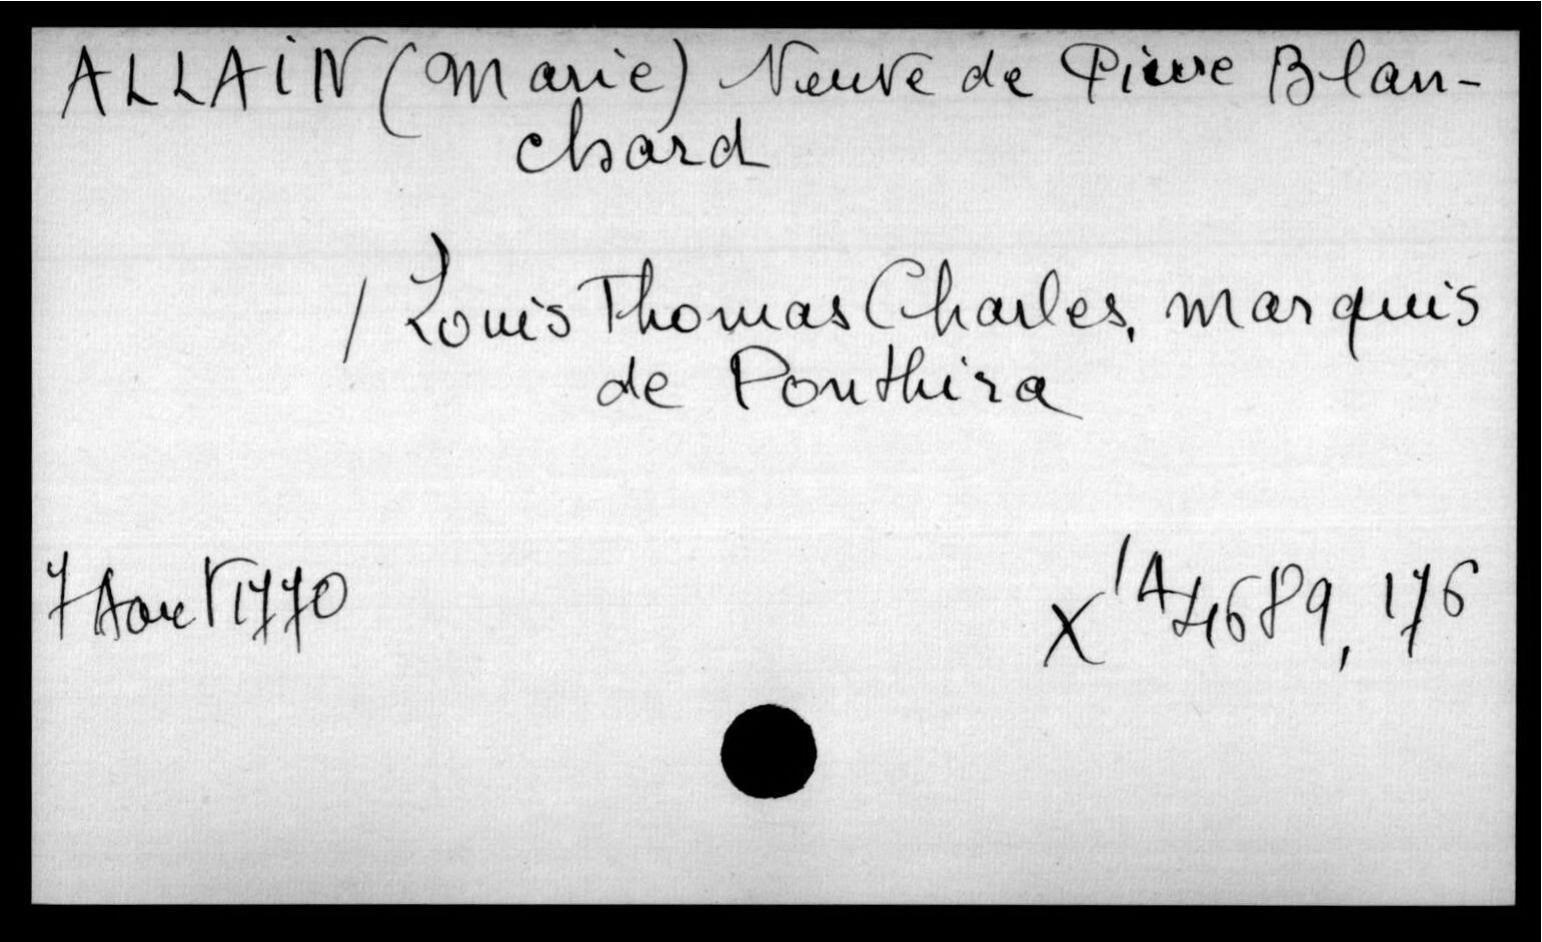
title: ALLAIN (Marie) Veuve de Pierre Blanchard
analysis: Contre Louis Thomas Charles, marquis de Ponthira
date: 7 août 1770
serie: X1A
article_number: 4689
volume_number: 176
